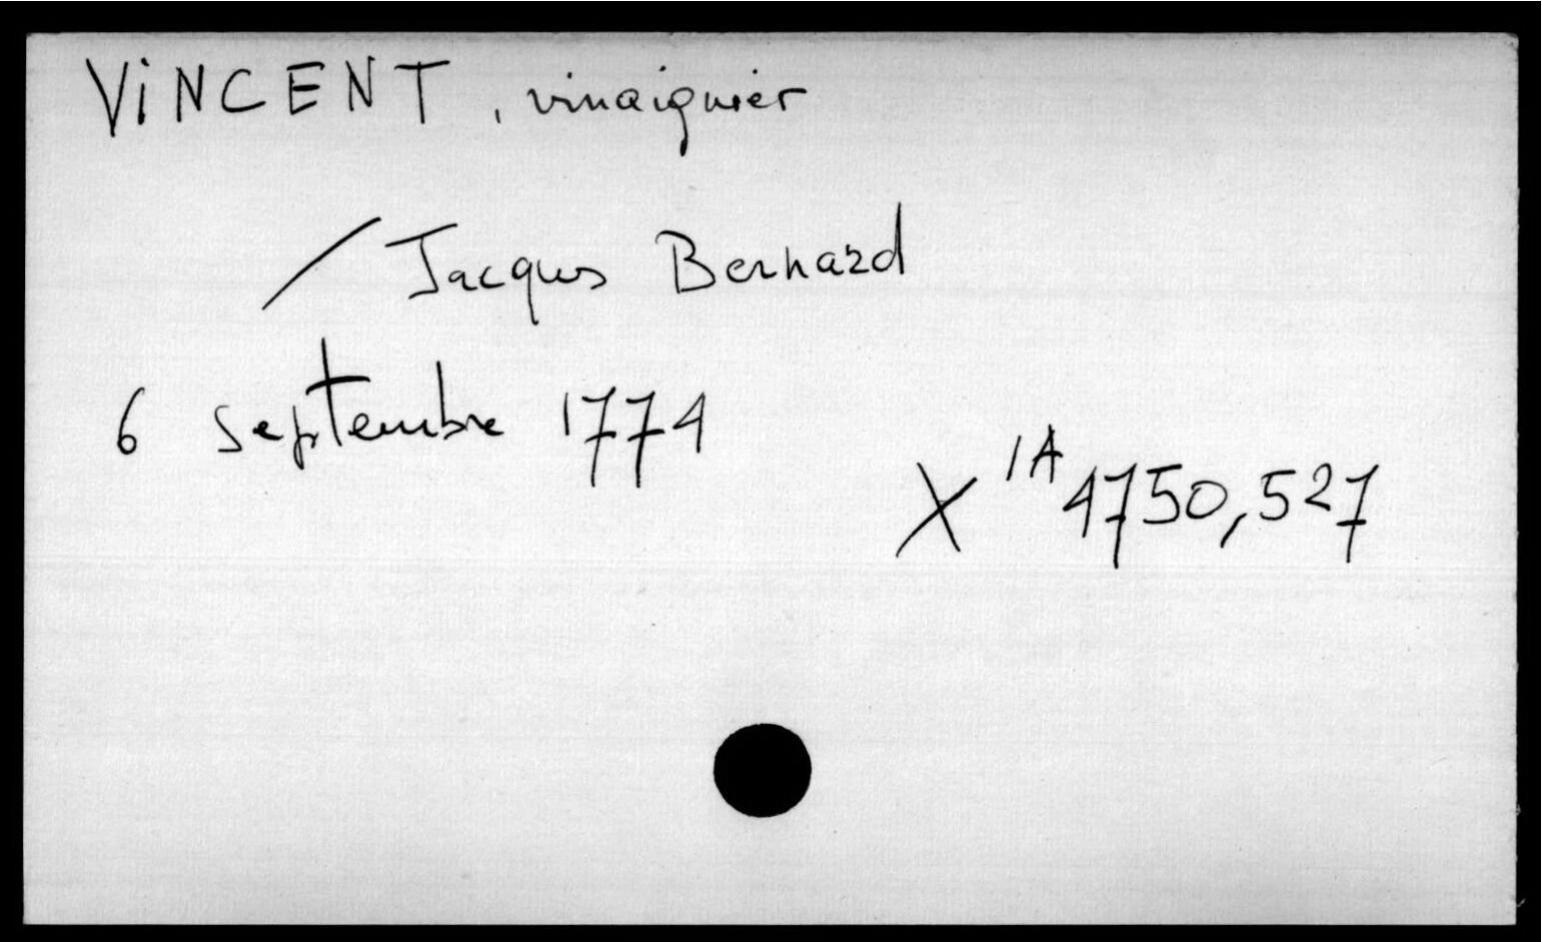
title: VINCENT vinaigrier
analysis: Contre Jacques Bernard
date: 6 septembre 1774
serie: X1A
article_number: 4750
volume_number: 527
